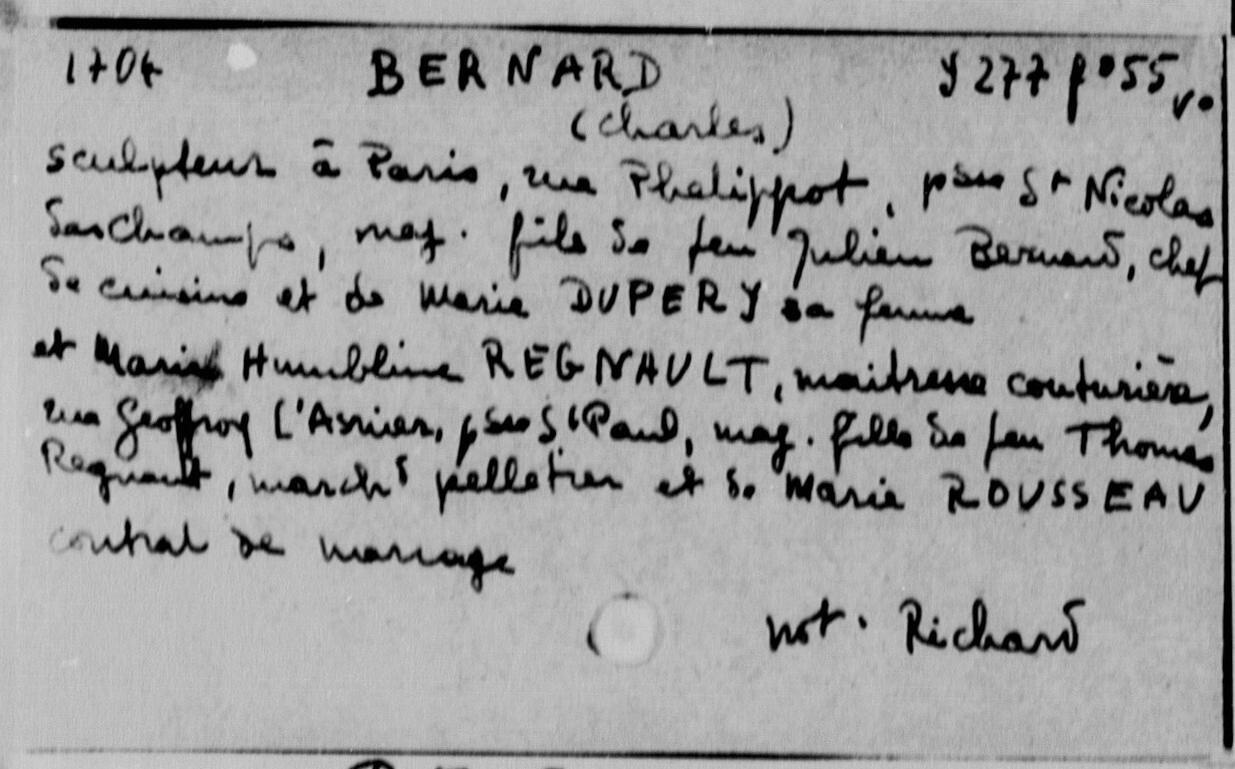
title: BERNARD (Charles)
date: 1704
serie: Y
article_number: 277
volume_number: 55v
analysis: sculpteur à Paris, rue Phélippot, paroisse Saint-Nicolas des Champs, majeur fils de feu Julien Bernard, chef le cuisine et de Marie Dupery sa femme et Marie Humbline Regnault, maîtresse couturière, rue Geoffoy l'Asnier, paroisse Saint-Paul, majeure fille de feu Thomas Regnault, marchand pelletier et de Marie Rousseau Contrat de mariage notaire Richard
